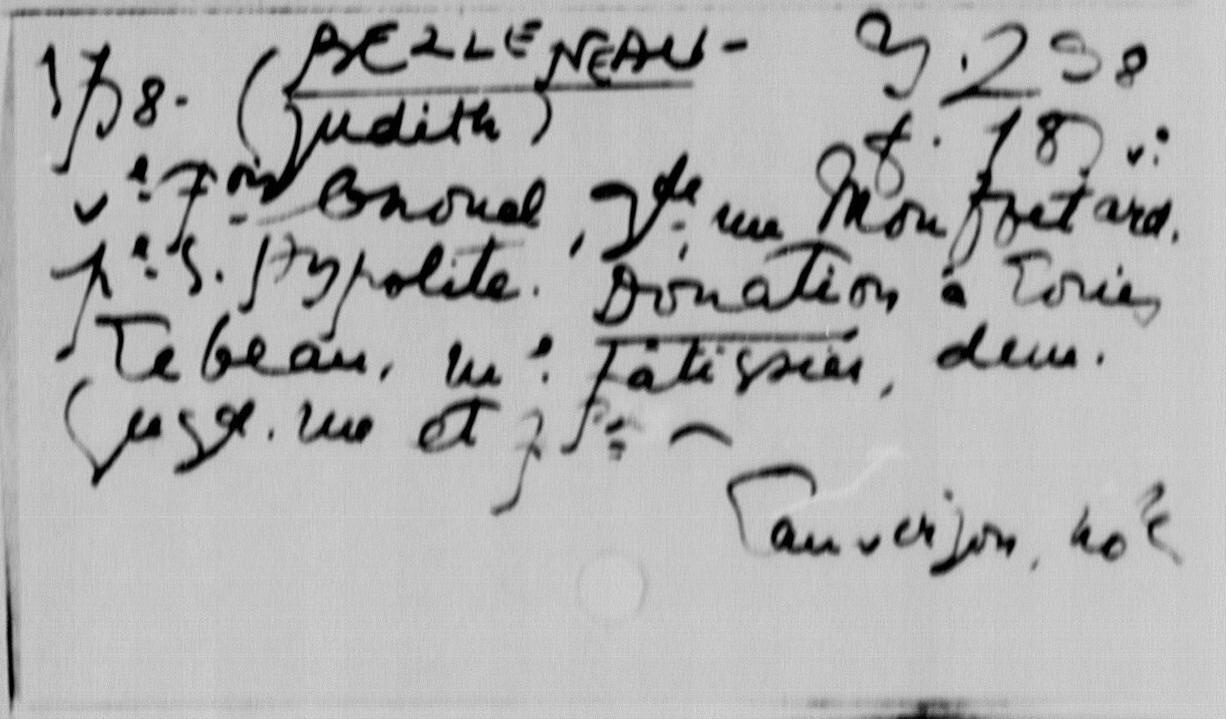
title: BELLENEAU (Judith)
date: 1718
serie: Y
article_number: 298
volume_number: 181v
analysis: Veuve François CHOUEL, grande rue Mouffetard, paroisse Saint-Hypolite. Donation à Louis Lebeau, maître-pâtissier, demeurant susdites rue et paroisse. Lauverjon, notaire.
